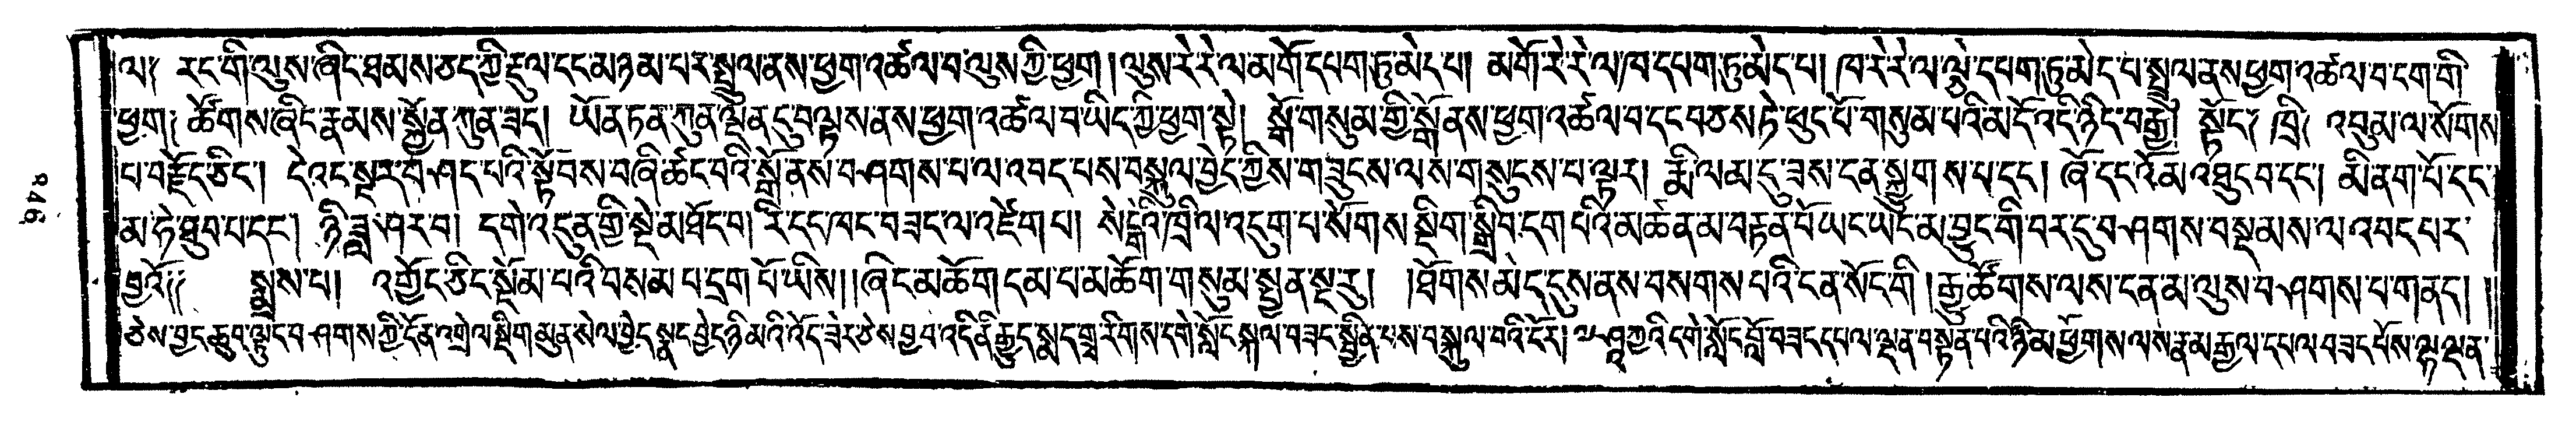ལ༑ རང་གི་ལུས་ཞིང་ཐམས་ཅད་ཀྱི་རྡུལ་དང་མཉམ་པར་སྤྲུལ་ནས་ཕྱག་འཚལ་བ་ལུས་ཀྱི་ཕྱག །ལུས་རེ་རེ་ལ་མགོ་དཔག་ཏུ་མེད་པ། མགོ་རེ་རེ་ལ་ཁ་དཔག་ཏུ་མེད་པ། ཁ་རེ་རེ་ལ་ལྕེ་དཔག་ཏུ་མེད་པ་སྤྲུལ་ནས་ཕྱག་འཚལ་བ་ངག་གི་
ཕྱག༑ ཚོགས་ཞིང་རྣམས་སྐྱོན་ཀུན་ཟད། ཡོན་ཏན་ཀུན་ལྡན་དུ་བལྟས་ནས་ཕྱག་འཚལ་བ་ཡིད་ཀྱི་ཕྱག་སྟེ། སྒོ་གསུམ་གྱི་སྒོ་ནས་ཕྱག་འཚལ་བ་དང་བཅས་ཏེ་ཕུང་པོ་གསུམ་པའི་མདོ་འདི་ཉིད་བརྒྱ། སྟོང༑ ཁྲི༑ འབུམ་ལ་སོགས་
པ་བརྗོད་ཅིང་། དེའང་སྔར་བཤད་པའི་སྟོབས་བཞི་ཚང་བའི་སྒོ་ནས་བཤགས་པ་ལ་འབང་པས་བསྐུལ་བྱེད་ཀྱིས་གཟུངས་ལས་གསུངས་པ་ལྟར། རྨི་ལམ་དུ་ཟས་ངན་སྐྱུགས་པ་དང་། ཞོ་དང་འོ་མ་འཐུང་བ་དང་། མི་ནག་པོ་དང་།
མ་ཧེ་ཐུབ་པ་དང་། ཉི་ཟླ་ཤར་བ། དགེ་འདུན་གྱི་སྡེ་མཐོང་བ། རི་དང་ཁང་བཟང་ལ་འཛེག་པ། སེངྒེའི་ཁྲི་ལ་འདུག་པ་སོགས་སྡིག་སྒྲིབ་དག་པའི་མཚན་མ་བརྟན་པོ་ཡང་ཡང་མ་བྱུང་གི་བར་དུ་བཤགས་བསྡམས་ལ་འབད་པར་
བྱའོ༑༑ སྨྲས་པ། འགྱོད་ཅིང་སྡོམ་པའི་བསམ་པ་དྲག་པོ་ཡིས། །ཞིང་མཆོག་དམ་པ་མཆོག་གསུམ་སྤྱན་སྔ་རུ། །ཐོགས་མེད་དུས་ནས་བསགས་པའི་ངན་སོང་གི །རྒྱུ་ཚོགས་ལས་ངན་མ་ལུས་བཤགས་པ་གནད། །
ཅེས་བྱང་ཆུབ་ལྟུང་བཤགས་ཀྱི་དོན་འགྲེལ་སྡིག་མུན་སེལ་བྱེད་སྣང་བྱེད་ཉི་མའི་འོད་ཟེར་ཅེས་བྱ་བ་འདི་ནི་རྒྱུད་སྨད་གྲྭ་རིགས་དགེ་སློང་སྐལ་བཟང་སྦྱིན་པས་བསྐུལ་བའི་ངོར། ༧་ཤྰྐྱའི་དགེ་སློང་བློ་བཟང་དཔལ་ལྡན་བསྟན་པའི་ཉི་མ་ཕྱོགས་ལས་རྣམ་རྒྱལ་དཔལ་བཟང་པོས་ལྟ་ལྡན་